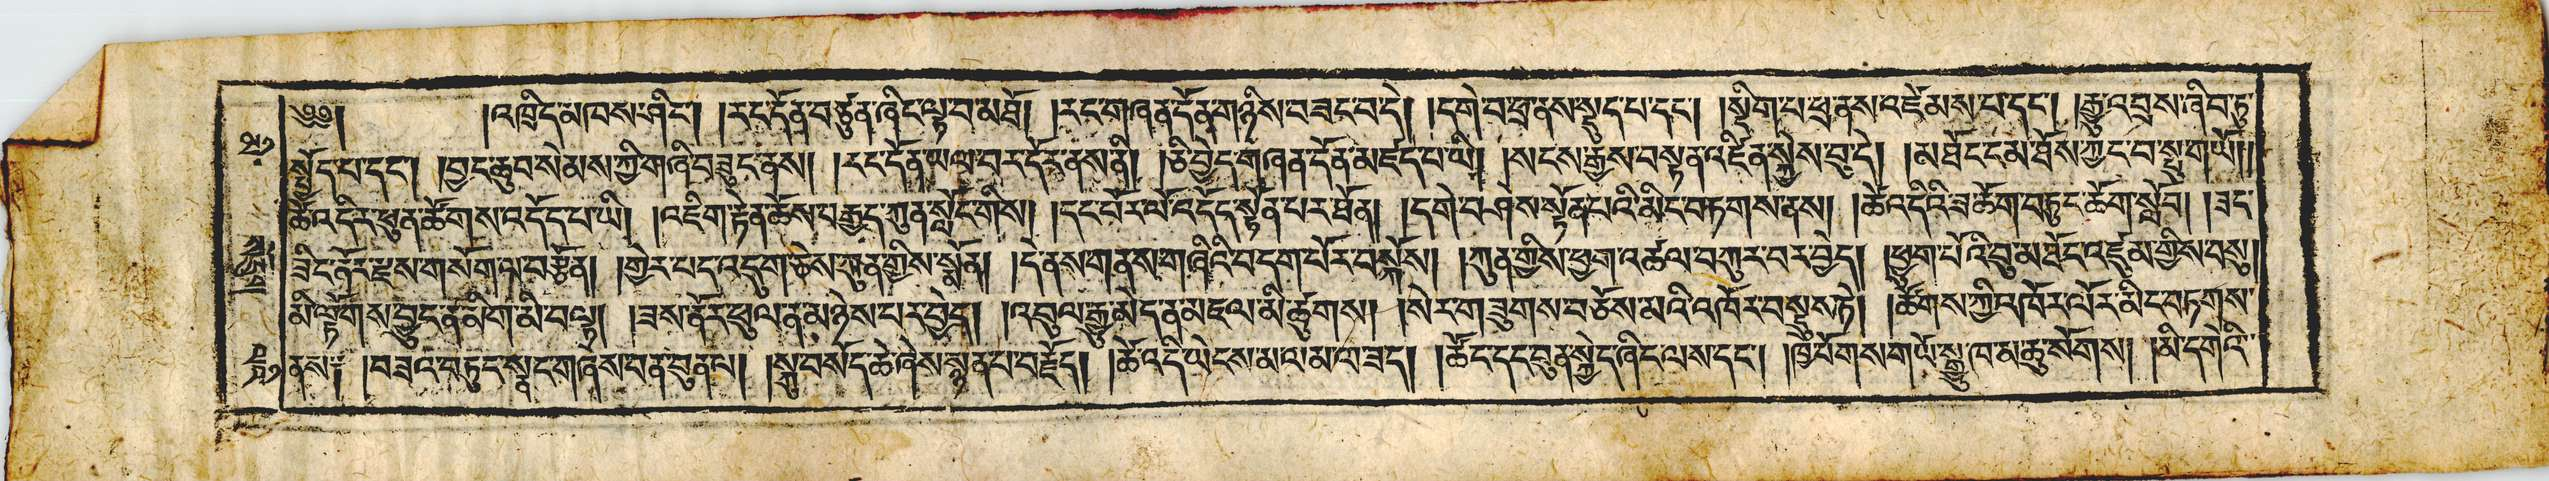འཁྲིད་མཁས་ཤིང་། །རང་དོན་བཙུན་ཞིང་ལྟ་བ་མཐོ། །རང་གཞན་དོན་གཉིས་བཟང་བ་དེ། །དགེ་བ་ཕྲ་ནས་སྡུད་པ་དང་། །སྡིག་པ་ཕྲ་ནས་འཇོམས་པ་དང་། །རྒྱུ་འབྲས་ཞིབ་ཏུ་
སྤྱོད་པ་དང་། །བྱང་ཆུབ་སེམས་ཀྱི་གཞི་བཟུང་ནས། །རང་དོན་ཡལ་བར་དོར་ནས་ནི། །ཅི་བྱེད་གཞན་དོན་མཛད་པ་ཡི། །སངས་རྒྱས་བསྟན་འཛིན་སྐྱེས་བུ་དེ། །མཐོང་ངམ་ཐོས་ཀྱང་བ་སྤུ་གཡོ། 
ཚེ་འདིར་ཕུན་ཚོགས་འདོད་པ་ཡི། །འཇིག་རྟེན་ཆོས་བརྒྱད་ཀུན་སློང་གིས། །དང་པོར་ལོ་འདོད་སྟོན་པར་ཐོན། །དགེ་བཤེས་སྟོན་པའི་མིང་བཏགས་ནས། །ཚེ་འདིའི་ཟ་ཆོག་བཏུང་ཆོག་སློབ། །ཟང་
ཟིང་ནོར་རྫས་གསོག་ལ་བརྩོན། །གྱེར་པད་འདུག་ཅེས་ཀུན་གྱིས་སྨོན། །དེ་ནས་གནས་གཞིའི་བདག་པོར་བསྐོས། །ཀུན་གྱིས་ཕྱག་འཚལ་བཀུར་བར་བྱེད། །ཕྱུག་པོའི་བུ་མཐོང་འཛུམ་གྱིས་བསུ། 
མི་ལྟོགས་བྱུང་ན་མིག་མི་བལྟ། །ཟས་ནོར་ཕུལ་ན་མཉེས་པར་བྱེད། །འབུལ་རྒྱུ་མེད་ན་མཇལ་མི་ཚུགས། །སེར་གཟུགས་བཅོས་མའི་འཁོར་བསྡུས་ཏེ། །ཚོགས་ཀྱི་འཁོར་ལོར་མིང་བཏགས་
ནས། །བཟའ་བཏུང་སྣང་གཞེས་བན་བུན་ལ། །སྐུ་བསོད་ཆེ་ཞེས་སྙན་པ་བརྗོད། །ཚེ་འདི་ཡེངས་མ་ལམ་ལ་ཟད། །ཚོང་དང་བུན་སྐྱེད་ཞིང་ལས་དང་། །ཁེ་སྤོགས་གཡོ་སྒྱུ་ཁ་མཆུ་སོགས། །མི་དགེའི་